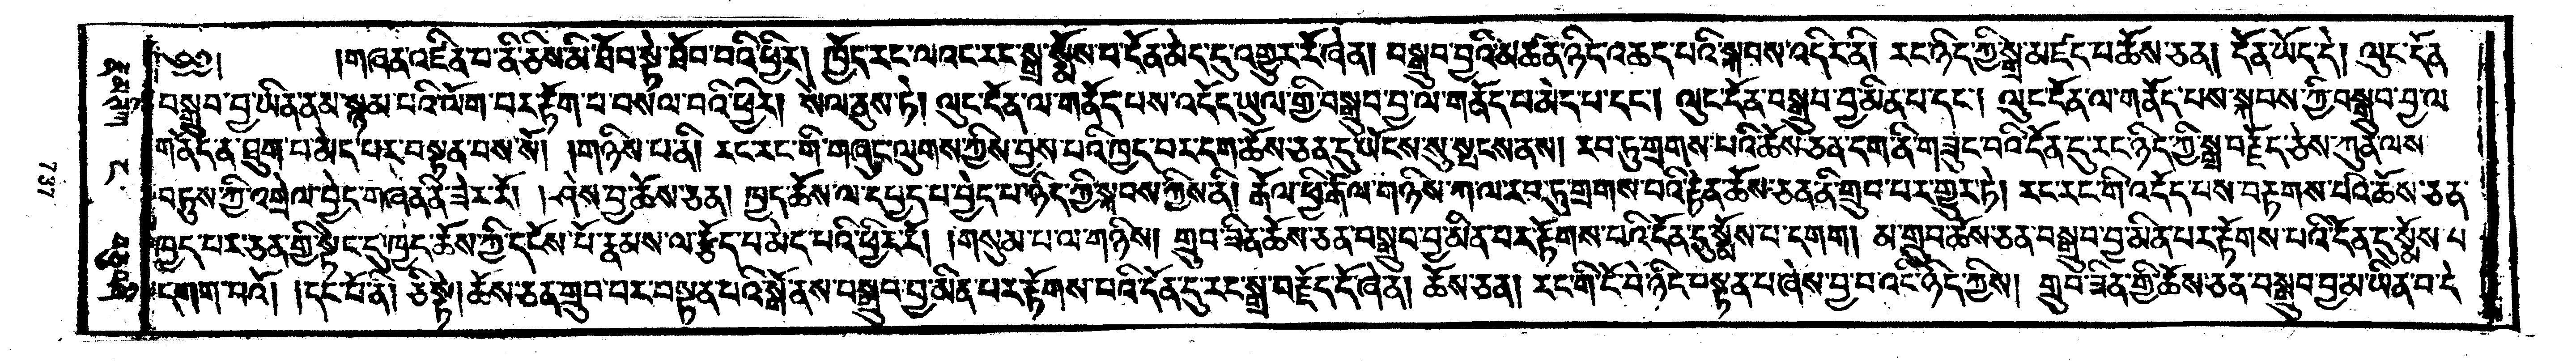༄༅། །གཞན་འཛིན་པས་ནི་ཅིས་མི་ཐོབ་སྟེ་ཐོབ་བའི་ཕྱིར། ཁྱོད་རང་ལའང་རང་སྒྲ་སྨོས་པ་དོན་མེད་དུ་འགྱུར་རོ་ཞེ་ན། བསྒྲུབ་བྱའི་མཚན་ཉིད་འཆད་པའི་སྐབས་འདིར་ནི། རང་ཉིད་ཀྱི་སྒྲ་མཛད་པ་ཆོས་ཅན། དོན་ཡོད་དེ། ལུང་དོན་
བསྒྲུབ་བྱ་ཡིན་ནམ་སྙམ་པའི་ལོག་བར་རྟོག་པ་བསལ་བའི་ཕྱིར། སེལ་ནུས་ཏེ། ལུང་དོན་ལ་གནོད་པས་འདོད་ཡུལ་གྱི་བསྒྲུབ་བྱ་ལ་གནོད་པ་མེད་པ་དང་། ལུང་དོན་བསྒྲུབ་བྱ་མིན་པ་དང་། ལུང་དོན་ལ་གནོད་པས་སྐབས་ཀྱི་བསྒྲུབ་བྱ་ལ་
གནོད་ན་ཐུག་པ་མེད་པར་བསྟན་བས་སོ། །གཉིས་པ་ནི། རང་རང་གི་གཞུང་ལུགས་ཀྱིས་བྱས་པའི་ཁྱད་བར་དག་ཆོས་ཅན་དུ་ཡོངས་སུ་སྤངས་ནས། རབ་ཏུ་གྲགས་པའི་ཆོས་ཅན་དག་ནི་གཟུང་བའི་དོན་དུ་རང་ཉིད་ཀྱི་སྒྲ་བརྗོད་ཅེས་ཀུན་ལས་
བཏུས་ཀྱི་འགྲེལ་བྱེད་གཞན་ནི་ཟེར་རོ། །ཤེས་བྱ་ཆོས་ཅན། ཁྱད་ཆོས་ལ་དཔྱད་པ་བྱེད་པ་ཉིད་ཀྱི་སྐབས་ཀྱིས་ནི། རྒོལ་ཕྱི་རྒོལ་གཉིས་ཀ་ལ་རབ་ཏུ་གྲགས་པའི་རྟེན་ཆོས་ཅན་ནི་གྲུབ་པར་གྱུར་ཏེ། རང་རང་གི་འདོད་པས་བརྟགས་པའི་ཆོས་ཅན་
ཁྱད་པར་ཅན་གྱི་སྟེང་དུ་ཁྱད་ཆོས་ཀྱི་དངོས་པོ་རྣམས་ལ་རྩོད་པ་མེད་པའི་ཕྱིར་རོ། །གསུམ་པ་ལ་གཉིས། གྲུབ་ཟིན་ཆོས་ཅན་བསྒྲུབ་བྱ་མིན་པར་རྟོགས་པའི་དོན་དུ་སྨོས་པ་དགག། མ་གྲུབ་ཆོས་ཅན་བསྒྲུབ་བྱ་མིན་པར་རྟོགས་པའི་དོན་དུ་སྨོས་པ་
དགག་པའོ། །དང་པོ་ནི། ཅི་སྟེ། ཆོས་ཅན་གྲུབ་བར་བསྟན་པའི་སྒོ་ནས་བསྒྲུབ་བྱ་མིན་པར་རྟོགས་པའི་དོན་དུ་རང་སྒྲ་བརྗོད་དོ་ཞེ་ན། ཆོས་ཅན། རང་གི་ངོ་བོ་ཉིད་བསྟན་པ་ཞེས་བྱ་བ་འདི་ཉིད་ཀྱིས། གྲུབ་ཟིན་གྱི་ཆོས་ཅན་བསྒྲུབ་བྱ་མ་ཡིན་པ་དེ་